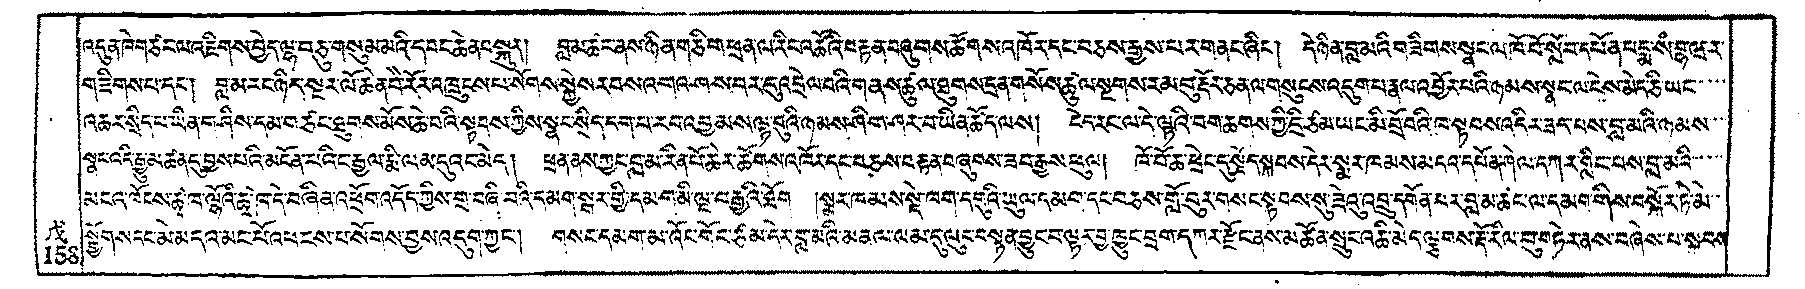འདུན་ཁེ་གཙང་ལ་འཇིགས་བྱེད་ལྷ་བཅུ་གསུམ་མའི་དབང་ཆེན་བསྐུར། བླ་མ་ཚང་ནས་ཉིན་གཅིག་ཕྲན་ལ་རིང་འཚོའི་བརྟན་བཞུགས་ཚོགས་འཁོར་དང་བཅས་རྒྱས་པར་གནང་ཞིང་། དེ་ཉིན་བླ་མའི་གཟིགས་སྣང་ལ་ཁོ་བོ་སློབ་དཔོན་པདམ་སཾ་བྷ་ཝར་
གཟིགས་པ་དང་། བླ་མ་རང་ཉིད་སྔར་ལོ་ཆེན་བཻ་རོར་འཁྲུངས་པ་སོགས་སྐྱེས་རབས་འགའ་ཤས་བར་དུ་འབྲེལ་བའི་གནས་ཚུལ་ཐུགས་དྲན་གསོས་ཚུལ་སྔགས་རམ་བུ་རྡོར་ཅན་ལ་གསུངས་འདུག་པ་རྣལ་འབྱོར་པའི་ཉམས་སྣང་ལ་ངེས་མེད་ཅི་ཡང་
འཆར་སྲིད་པ་ཡིན་གཤིས་དམ་གཙང་ཐུགས་མོས་ཆེ་བའི་སྟབས་ཀྱིས་སྣང་སྲིད་དག་པ་རབ་འབྱམས་ལྟ་བུའི་ཉམས་ཤིག་ཤར་བ་ཡིན་ཚོད་ལས། ངེད་རང་ལ་དེ་ལྟའི་བག་ཆགས་ཀྱི་དྲི་ཙམ་ཡང་མི་བྲོ་བའི་ཁ་སྟབས་འདིར་ཟད་པས་བླ་མའི་ཉམས་
སྣང་འདི་རྒྱུ་མཚན་དུ་བྱས་པའི་མངོན་པའི་ང་རྒྱལ་རྨི་ལམ་དུའང་མེད། ཕྲན་ནས་ཀྱང་བླ་མ་རིན་པོ་ཆེར་ཚོགས་འཁོར་དང་བཅས་བརྟན་བཞུགས་ཟབ་རྒྱས་ཕུལ། ཁོ་བོ་ཆ་ཕྲེང་དུ་སྡོད་སྐབས་དེར་སྨར་ཁམས་མདའ་དཔོན་ཤེལ་དཀར་གླིང་པས་བླ་མའི་
མངའ་ཁོངས་ཚྭ་ཁ་ལྷོའི་ཚྭ་ཁ་དེ་བཞིན་འཕྲོག་འདོད་ཀྱིས་གྲ་བཞི་བའི་དམག་སྒར་གྱི་དམག་མི་ལྔ་བརྒྱའི་ཐོག །སྨར་ཁམས་སྡེ་ཁག་དགུའི་ཡུལ་དམག་དང་བཅས་གློ་བུར་གསང་སྟབས་སུ་ཟེའུ་འབྲུ་དགོན་པར་བླ་མ་ཚང་ལ་དམག་གིས་བསྐོར་ཏེ་མེ་
སྒྱོགས་དང་མེ་མདའ་མང་པོ་འཕངས་པ་སོགས་བྱས་འདུག་ཀྱང་། གསང་དམག་མ་འོང་གོང་ཙམ་དེར་བླ་མའི་མནལ་ལམ་དུ་ལུང་བསྟན་བྱུང་བ་ལྟར་བྱ་ཁྱུང་བྲག་དཀར་རྫོང་ནས་མཚོན་སྲུང་འཆི་མེད་ལྕགས་རྡོ་རིལ་བུ་གཏེར་ནས་བཞེས་པ་སྐབས་